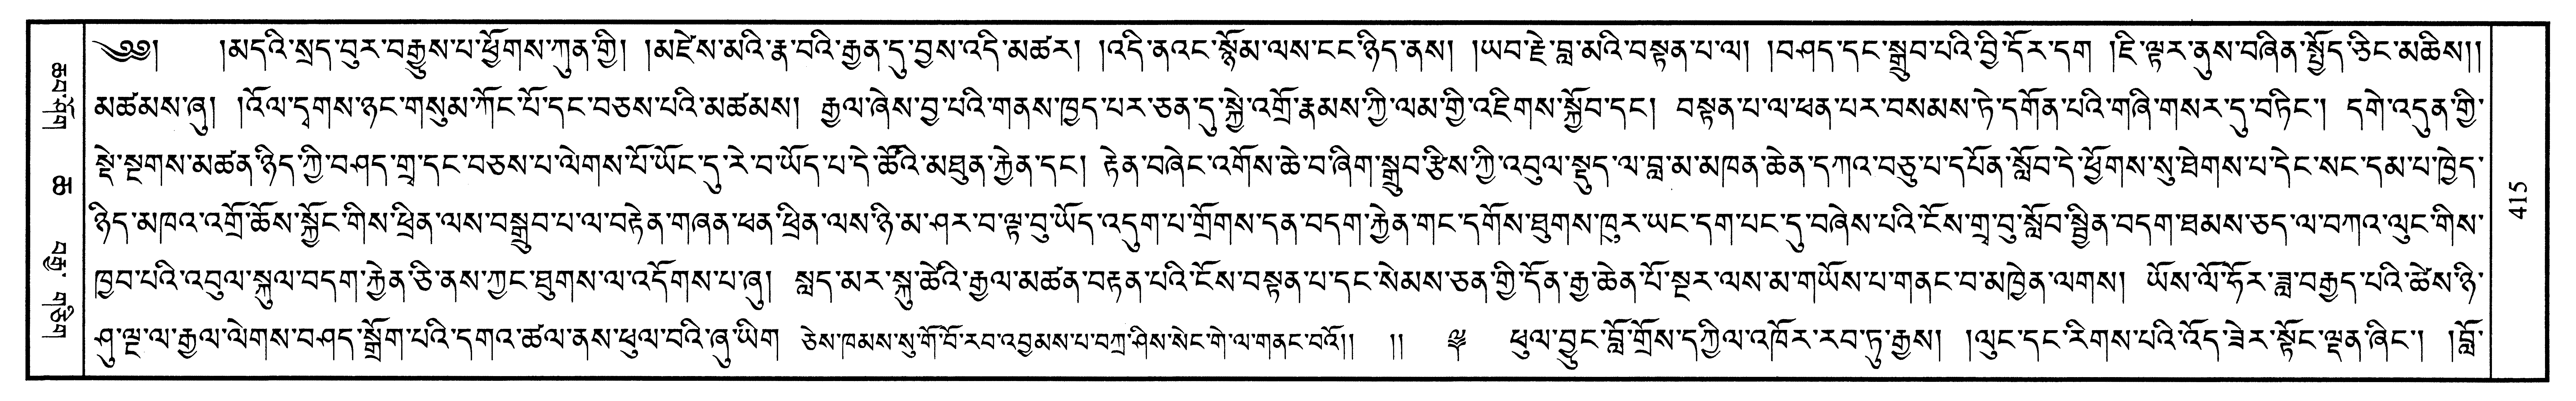༄༅། །མདའི་སྲད་བུར་བརྒྱུས་པ་ཕྱོགས་ཀུན་གྱི། །མཛེས་མའི་རྣ་བའི་རྒྱན་དུ་བྱས་འདི་མཚར། །འདི་ནའང་སྙོམ་ལས་ངང་ཉིད་ནས། །ཡབ་རྗེ་བླ་མའི་བསྟན་པ་ལ། །བཤད་དང་སྒྲུབ་པའི་བྱི་དོར་དག །ཇི་ལྟར་ནུས་བཞིན་སྤྱོད་ཅིང་མཆིས།།
མཚམས་ཞུ། །འོལ་དྭགས་ཉང་གསུམ་ཀོང་པོ་དང་བཅས་པའི་མཚམས། །རྒྱལ་ཞེས་བྱ་བའི་གནས་ཁྱད་པར་ཅན་དུ་སྐྱེ་འགྲོ་རྣམས་ཀྱི་ལམ་གྱི་འཇིགས་སྐྱོབ་དང་། བསྟན་པ་ལ་ཕན་པར་བསམས་ཏེ་དགོན་པའི་གཞི་གསར་དུ་བཏིང་། དགེ་འདུན་གྱི་
སྡེ་སྔགས་མཚན་ཉིད་ཀྱི་བཤད་གྲྭ་དང་བཅས་པ་ལེགས་པོ་ཡོང་དུ་རེ་བ་ཡོད་པ་དེ་ཚོའི་མཐུན་རྐྱེན་དང་། །རྟེན་བཞེང་འགོས་ཆེ་བ་ཞིག་སྒྲུབ་རྩིས་ཀྱི་འབུལ་སྡུད་ལ་བླ་མ་མཁན་ཆེན་དཀའ་བཅུ་པ་དཔོན་སློབ་དེ་ཕྱོགས་སུ་ཐེགས་པ་དེང་སང་དམ་པ་ཁྱེད་
ཉིད་མཁའ་འགྲོ་ཆོས་སྐྱོང་གིས་ཕྲིན་ལས་བསྒྲུབ་པ་ལ་བརྟེན་གཞན་ཕན་ཕྲིན་ལས་ཉི་མ་ཤར་བ་ལྟ་བུ་ཡོད་འདུག་པ་གྲོགས་དན་བདག་རྐྱེན་གང་དགོས་ཐུགས་ཁུར་ཡང་དག་པང་དུ་བཞེས་པའི་ངོས་གྲྭ་བུ་སློབ་སྦྱིན་བདག་ཐམས་ཅད་ལ་བཀའ་ལུང་གིས་
ཁྱབ་པའི་འབུལ་སྐུལ་བདག་རྐྱེན་ཅི་ནས་ཀྱང་ཐུགས་ལ་འདོགས་པ་ཞུ། སླད་མར་སྐུ་ཚེའི་རྒྱལ་མཚན་བརྟན་པའི་ངོས་བསྟན་པ་དང་སེམས་ཅན་གྱི་དོན་རྒྱ་ཆེན་པོ་སྔར་ལས་མ་གཡོས་པ་གནང་བ་མཁྱེན་ལགས། །ཡོས་ལོ་ཧོར་ཟླ་བརྒྱད་པའི་ཚེས་ཉི་
ཤུ་ལྔ་ལ་རྒྱལ་ལེགས་བཤད་སྒྲོག་པའི་དགའ་ཚལ་ནས་ཕུལ་བའི་ཞུ་ཡིག་ཅེས་ཁམས་སུ་གོ་བོ་རབ་འབྱམས་པ་བཀྲ་ཤིས་སེང་གེ་ལ་གནང་བའོ།། །། ༈ ཕུལ་བྱུང་བློ་གྲོས་དཀྱིལ་འཁོར་རབ་ཏུ་རྒྱས། །ལུང་དང་རིགས་པའི་འོད་ཟེར་སྟོང་ལྡན་ཞིང་། །བློ་